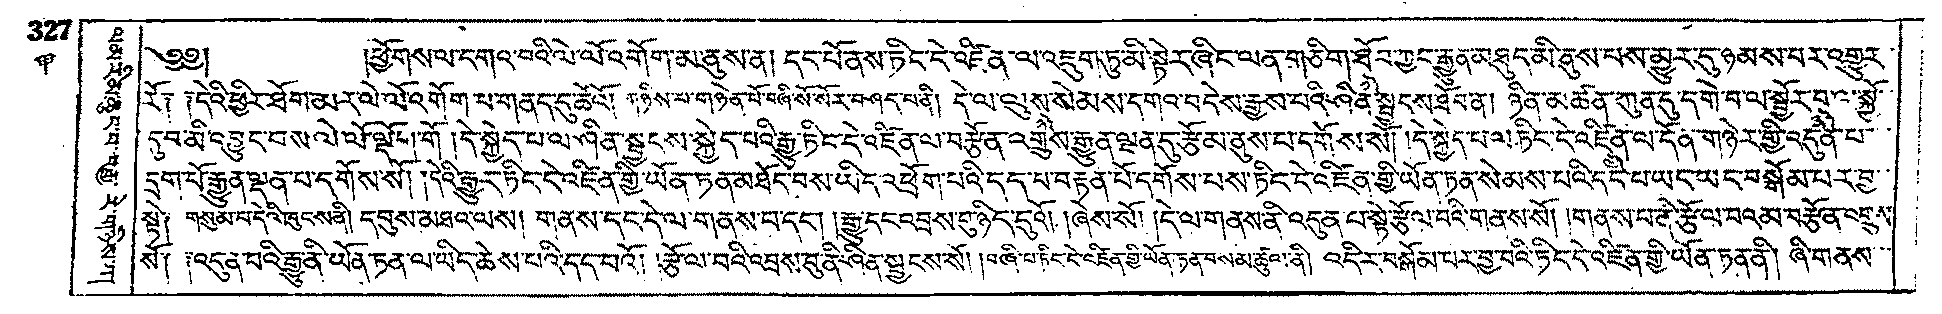༄༅། །ཕྱོགས་ལ་དགའ་བའི་ལེ་ལོ་འགོག་མ་ནུས་ན། དང་པོ་ནས་ཏིང་ངེ་འཛིན་ལ་འཇུག་ཏུ་མི་སྟེར་ཞིང་ལན་གཅིག་ཐོབ་ཀྱང་རྒྱུན་མཐུད་མི་ནུས་པས་མྱུར་དུ་ཉམས་པར་འགྱུར་
རོ༑ ༑དེའི་ཕྱིར་ཐོག་མར་ལེ་ལོ་འགོག་པ་གནད་དུ་ཆེའོ། གཉིས་པ་གཉེན་པོ་བཞི་སོ་སོར་བཤད་པ་ནི།  དེ་ལ་ལུས་སེམས་དགའ་བདེས་རྒྱས་པའི་ཤིན་སྦྱངས་ཐོབ་ན། ཉིན་མཚན་ཀུན་དུ་དགེ་བ་ལ་སྦྱོར་བ་ལ་སྐྱོ་
དུབ་མི་འབྱུང་བས་ལེ་ལོ་ལྡོག་གོ །དེ་སྐྱེད་པ་ལ་ཤིན་སྦྱངས་སྐྱེད་པའི་རྒྱུ་ཏིང་ངེ་འཛིན་ལ་བརྩོན་འགྲུས་རྒྱུན་ལྡན་དུ་རྩོམ་ནུས་པ་དགོས་སོ། །དེ་སྐྱེད་པ་ལ་ཏིང་ངེ་འཛིན་ལ་དོན་གཉེར་གྱི་འདུན་པ་
དྲག་པོ་རྒྱུན་ལྡན་པ་དགོས་སོ། །དེའི་རྒྱུར་ཏིང་ངེ་འཛིན་གྱི་ཡོན་ཏན་མཐོང་བས་ཡིད་འཕྲོག་པའི་དད་པ་བརྟན་པོ་དགོས་པས་ཏིང་ངེ་འཛིན་གྱི་ཡོན་ཏན་སེམས་པའི་དང་པ་ཡང་ཡང་བསྒོམ་པར་བྱ་
སྟེ༑ གསུམ་པ་དེའི་ཁུངས་ནི། དབུས་མཐའ་ལས། གནས་དང་དེ་ལ་གནས་པ་དང་། །རྒྱུ་དང་འབྲས་བུ་ཉིད་དུའོ། །ཞེས་སོ། །དེ་ལ་གནས་ནི་འདུན་པ་སྟེ་རྩོལ་བའི་གནས་སོ། །གནས་པ་ནི་རྩོལ་བའམ་བརྩོན་འགྲུས་
སོ༑ ༑འདུན་པའི་རྒྱུ་ནི་ཡོན་ཏན་ལ་ཡིད་ཆེས་པའི་དད་པའོ། །རྩོལ་བའི་འབྲས་བུ་ནི་ཤིན་སྦྱངས་སོ། །བཞི་པ་ཏིང་ངེ་འཛིན་གྱི་ཡོན་ཏན་བསམ་ཚུལ་ནི།  འདིར་བསྒོམ་པར་བྱ་བའི་ཏིང་ངེ་འཛིན་གྱི་ཡོན་ཏན་ནི། ཞི་གནས་